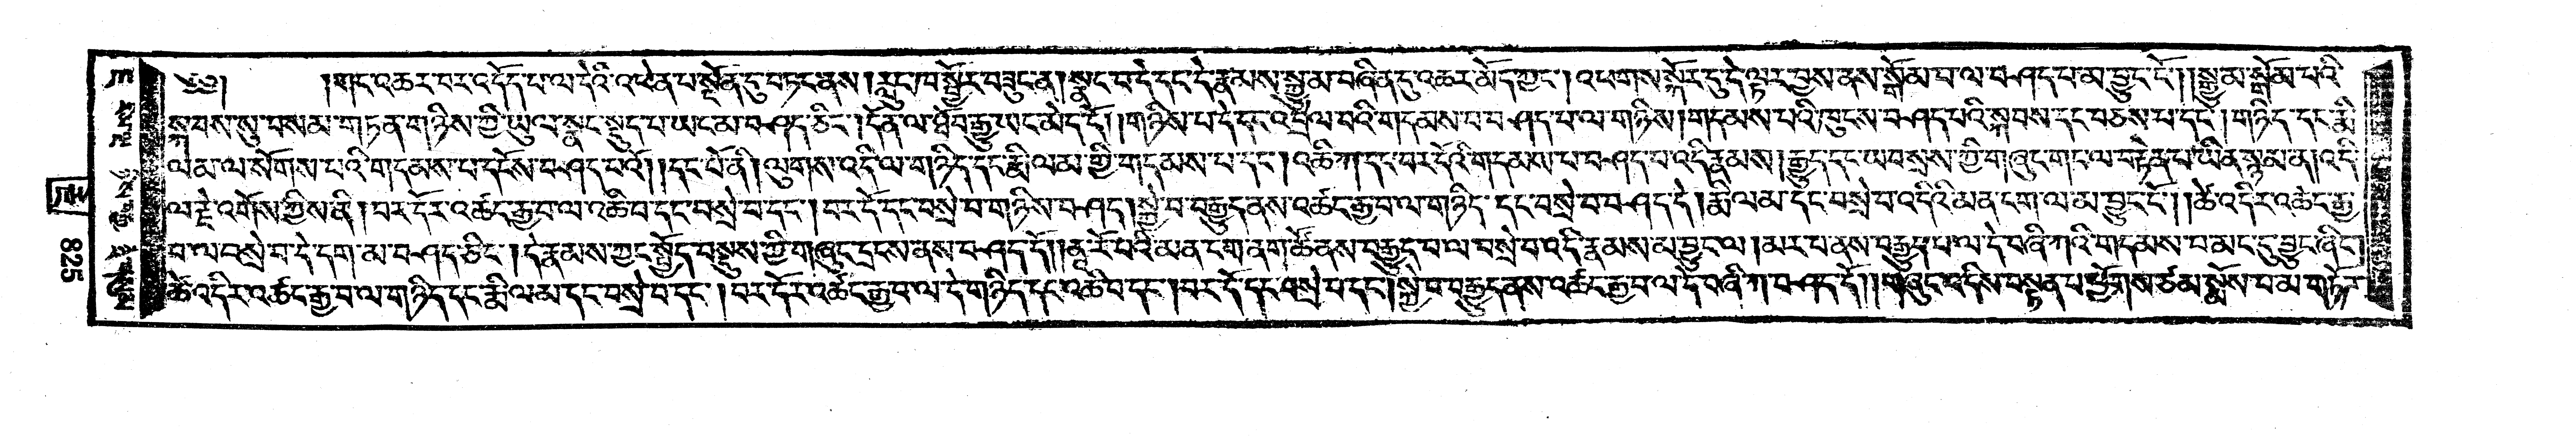༄༅། །གང་འཆར་བར་འདོད་པ་ལ་དེའི་འཕེན་པ་སྔོན་དུ་བཏང་ནས། རླུང་ཁ་སྦྱོར་བཟུང་ན། སྣང་བ་དེ་དང་དེ་རྣམས་སྒྱུ་མ་བཞིན་དུ་འཆར་མོད་ཀྱང་། འཕགས་སྐོར་དུ་དེ་ལྟར་བྱས་ནས་སྒོམ་པ་ལ་བཤད་པ་མ་བྱུང་ངོ། །སྒྱུ་མ་སྒོམ་པའི་
སྐབས་སུ་བསམ་གཏན་གཉིས་ཀྱི་ཡུལ་སྣང་སྡུད་པ་ཡང་མ་བཤད་ཅིང་། དོན་ལ་ཐོབ་རྒྱུ་ཡང་མེད་དོ། །གཉིས་པ་དེ་དང་འབྲེལ་བའི་གདམས་པ་བཤད་པ་ལ་གཉིས། གདམས་པའི་ཁུངས་བཤད་པའི་སྐབས་དང་བཅས་པ་དང་། གཉིད་དང་རྨི་
ལམ་ལ་སོགས་པའི་གདམས་པ་དངོས་བཤད་པའོ། །དང་པོ་ནི། ལུགས་འདི་ལ་གཉིད་དང་རྨི་ལམ་གྱི་གདམས་པ་དང་། འཆི་ཀ་དང་བར་དོའི་གདམས་པ་བཤད་པ་འདི་རྣམས། རྒྱུད་དང་ཡབ་སྲས་ཀྱི་གཞུང་གང་ལ་བརྟེན་པ་ཡིན་སྙམ་ན། འདི་
ལ་རྗེ་འགོས་ཀྱིས་ནི། བར་དོར་འཚང་རྒྱ་བ་ལ་འཆི་བ་དང་བསྲེ་བ་དང་། བར་དོ་དང་བསྲེ་བ་གཉིས་བཤད། སྐྱེ་བ་བརྒྱུད་ནས་འཚང་རྒྱ་བ་ལ་གཉིད་དང་བསྲེ་བ་བཤད་དེ། རྨི་ལམ་དང་བསྲེ་བ་འདིའི་མན་ངག་ལ་མ་བྱུང་ངོ། །ཚེ་འདིར་འཚང་རྒྱ་
བ་ལ་བསྲེ་བ་དེ་དག་མ་བཤད་ཅིང་། དེ་རྣམས་ཀྱང་སྤྱོད་བསྡུས་ཀྱི་གཞུང་དྲངས་ནས་བཤད་དོ། །ནཱ་རོ་པའི་མན་ངག་ནག་ཚོ་ནས་བརྒྱུད་པ་ལ་བསྲེ་བ་འདི་རྣམས་མ་བྱུང་ལ། མར་པ་ནས་བརྒྱུད་པ་ལ་དེ་བཞི་ཀའི་གདམས་པ་མང་དུ་བྱུང་ཞིང་།
ཚེ་འདིར་འཚང་རྒྱ་བ་ལ་གཉིད་དང་རྨི་ལམ་དང་བསྲེ་བ་དང་། བར་དོར་འཚང་རྒྱ་བ་ལ་དེ་གཉིད་དང་འཆི་བ་དང་། བར་དོ་དང་བསྲེ་བ་དང་། སྐྱེ་བ་བརྒྱུད་ནས་འཚང་རྒྱ་བ་ལ་དེ་བཞི་ཀ་བཤད་དོ། །གཞུང་འདིས་བསྟན་པ་ཕྱོགས་ཙམ་སྨོས་པ་མ་གཏོཌ་